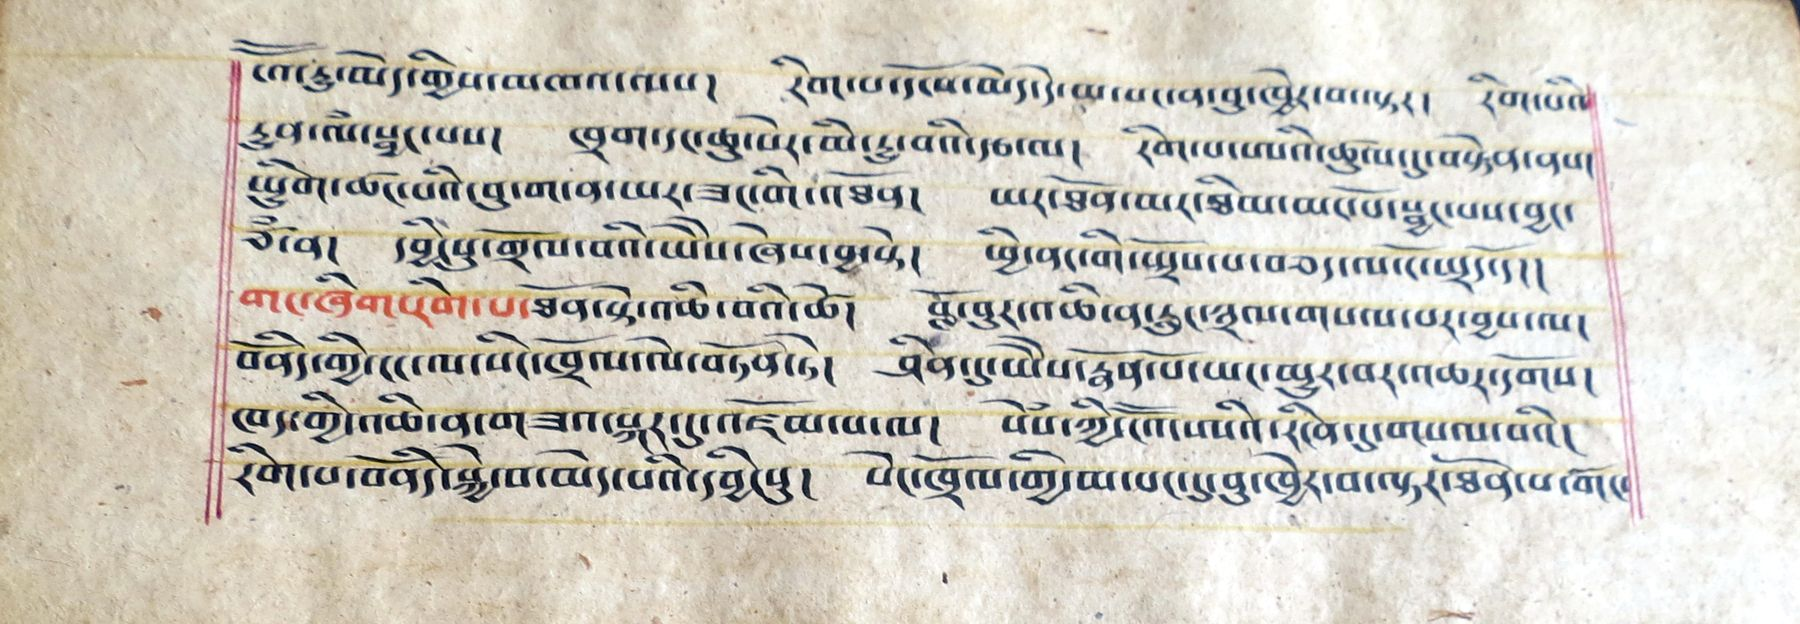ངོ་བོ་རྒྱུ་མེད་ཀྱིས་མཁའ་ལས། རིག་པ་དངོས་མེད་དེ་མ་པང་ན་བུ་ཁྱེར་བ་ལྟར། རིག་པའི་
རྒྱུན་ལམ་སྦྱངས་པས། ཁྲག་དང་ཆུ་སེར་མི་རྒྱུ་བའི་རྩ་ལ། རིག་པ་ཨ་ཡི་ཚུལ་དུ་བསྟེན་ནས་
སྤྱི་གཙུག་ཚངས་པའི་བུ་ག་ན་ཡར་ཟང་ཐལ་གི་ཐོན། ཡར་ཐོན་མར་ཐིམ་མང་པོ་སྦྱངས་པས་བྱ་
ཙམ་ན། དབྱིངས་སུ་གྲོལ་བའི་ཡེ་ཤེས་ཞེས་བྱ་སྟེ། ཕྱི་ནང་གི་སྤྲོས་པ་བཅད་ལ་ངོ་སྤྲད་དོ། །
གང་ཞིག་རིག་པ་ཐོན་ཏེ་འཆི་བའི་ཚེ། གློ་བུར་འཆི་ན་རླུང་གསུམ་གསལ་བར་བྱས་ལ། 
བོན་ཉིད་ཀྱི་ངང་ལ་སིང་ཁྲོལ་ལེ་བཏོན་ཏེ། ཤིན་ཏུ་ཡེ་ཤེས་རྣོན་པོ་ཡང་མྱུར་བར་འཆར་དགོས། 
ཁད་ཀྱིས་འཆི་ན་གཟའ་སྐར་དུ་འཛོམ་པ་སེམས་ཀྱི་ངོ་བོ་ཨ་ཡི་རང་བཞིན་དུ་གསལ་བའི། 
རིག་པ་བོན་ཉིད་སྐྱེ་བ་མེད་པའི་དབྱིངས་སུ། སིང་ཁྲོལ་གྱི་མ་པང་དུ་བུ་ཁྱེར་བ་ལྟར་ཐོན་པ་གོང་